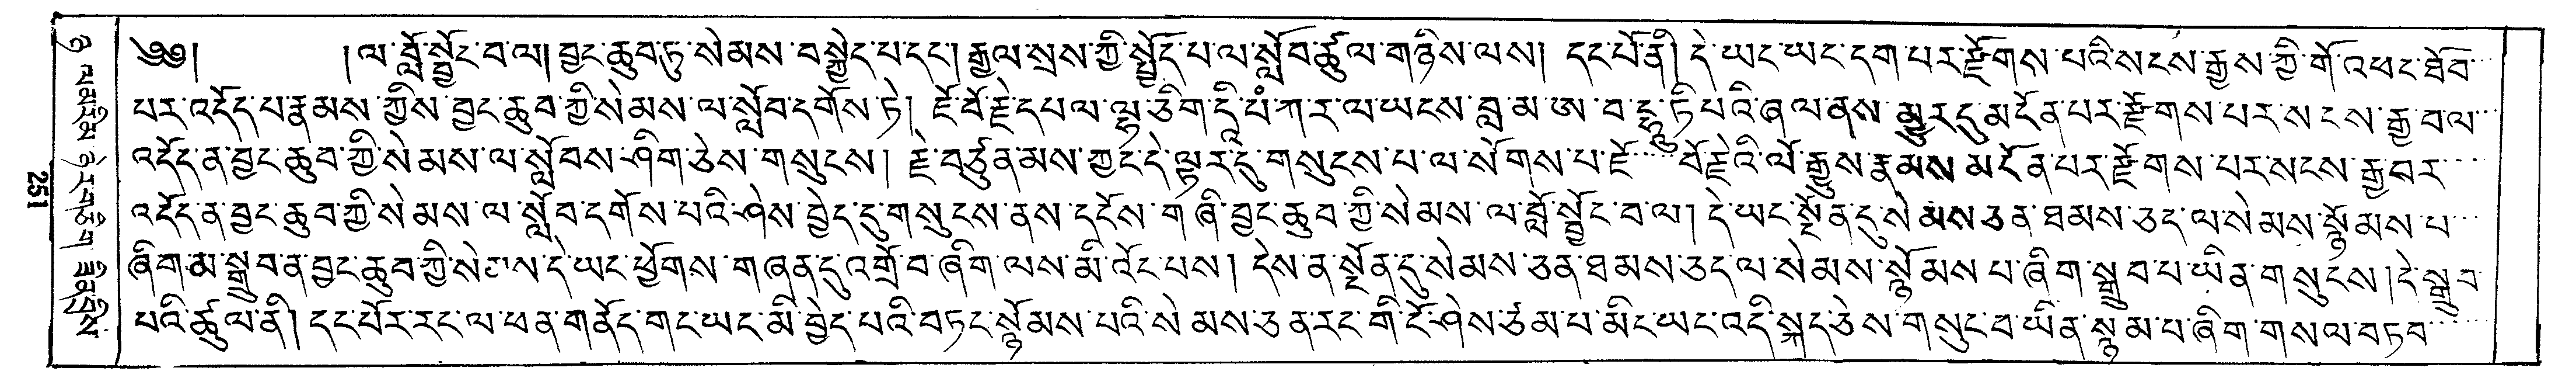༄༅། །ལ་བློ་སྦྱོང་བ་ལ། བྱང་ཆུབ་ཏུ་སེམས་བསྐྱེད་པ་དང་། རྒྱལ་སྲས་ཀྱི་སྤྱོད་པ་ལ་སློབ་ཚུལ་གཉིས་ལས། དང་པོ་ནི། དེ་ཡང་ཡང་དག་པར་རྫོགས་པའི་སངས་རྒྱས་ཀྱི་གོ་འཕང་ཐོབ་
པར་འདོད་པ་རྣམས་ཀྱིས་བྱང་ཆུབ་ཀྱི་སེམས་ལ་སློབ་དགོས་ཏེ། ཇོ་བོ་རྗེ་དཔལ་ལྷ་ཅིག་དཱི་པཾ་ཀ་ར་ལ་ཡང་། བླ་མ་ཨ་བ་དྷཱུ་ཏི་པའི་ཞལ་ནས་མྱུར་དུ་མངོན་པར་རྫོགས་པར་སངས་རྒྱ་པར་
འདོད་ན་བྱང་ཆུབ་ཀྱི་སེམས་ལ་སློབས་ཤིག་ཅེས་གསུངས། རྗེ་བཙུན་མས་ཀྱང་དེ་ལྟར་དུ་གསུངས་པ་ལ་སོགས་པ་ཇོ་བོ་རྗེའི་ལོ་རྒྱུས་རྣམས་མངོན་པར་རྫོགས་པར་སངས་རྒྱ་པར་
འདོད་ན་བྱང་ཆུབ་ཀྱི་སེམས་ལ་སློབ་དགོས་པའི་ཤེས་བྱེད་དུ་གསུངས་ནས་དངོས་གཞི་བྱང་ཆུབ་ཀྱི་སེམས་ལ་བློ་སྦྱོང་བ་ལ། དེ་ཡང་སྔོན་དུ་སེམས་ཅན་ཐམས་ཅད་ལ་སེམས་སྙོམས་པ་
ཞིག་མ་སྒྲུབ་ན་བྱང་ཆུབ་ཀྱི་སེམས་དེ་ཡང་ཕྱོགས་གཞན་དུ་འགྲོ་བ་ཞིག་ལས་མི་འོང་བས། དེས་ན་སྔོན་དུ་སེམས་ཅན་ཐམས་ཅད་ལ་སེམས་སྙོམས་པ་ཞིག་སྒྲུབ་པ་ཡིན་གསུངས། དེ་སྒྲུབ་
པའི་ཚུལ་ནི། དང་པོར་རང་ལ་ཕན་གནོད་གང་ཡང་མི་བྱེད་པའི་བཏང་སྙོམས་པའི་སེམས་ཅན་རང་གི་ངོ་ཤེས་ཙམ་པ་མིང་ཡང་འདི་སྐད་ཅེས་གསུང་བ་ཡིན་སྙམ་པ་ཞིག་གསལ་བཏབ་